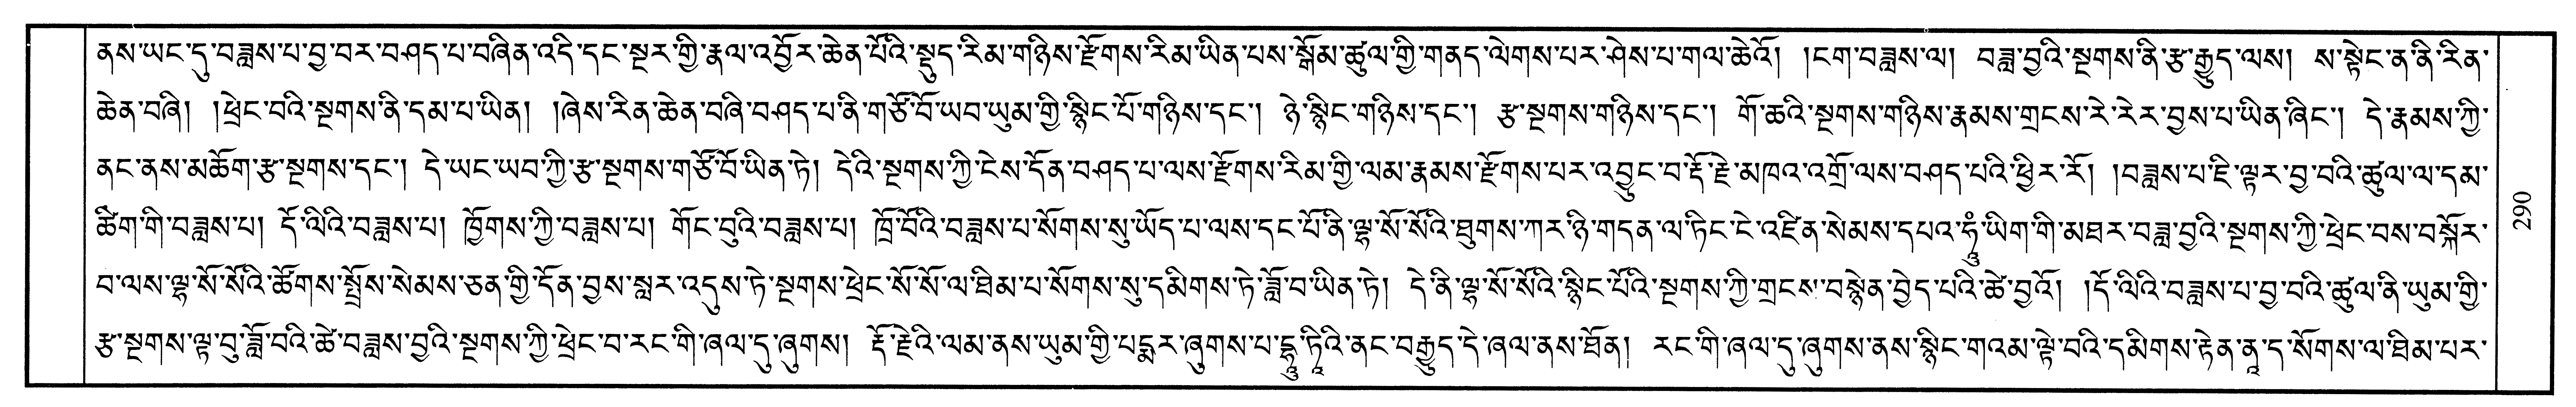ནས་ཡང་དུ་བཟླས་པ་བྱ་བར་བཤད་པ་བཞིན་འདི་དང་སྔར་གྱི་རྣལ་འབྱོར་ཆེན་པོའི་སྡུད་རིམ་གཉིས་རྫོགས་རིམ་ཡིན་པས་སྒོམ་ཚུལ་གྱི་གནད་ལེགས་པར་ཤེས་པ་གལ་ཆེའོ། །ངག་བཟླས་ལ། བཟླ་བྱའི་སྔགས་ནི་རྩ་རྒྱུད་ལས། ས་སྟེང་ན་ནི་རིན་
ཆེན་བཞི། །ཕྲེང་བའི་སྔགས་ནི་དམ་པ་ཡིན། །ཞེས་རིན་ཆེན་བཞི་བཤད་པ་ནི་གཙོ་བོ་ཡབ་ཡུམ་གྱི་སྙིང་པོ་གཉིས་དང་། ཉེ་སྙིང་གཉིས་དང་། རྩ་སྔགས་གཉིས་དང་། གོ་ཆའི་སྔགས་གཉིས་རྣམས་གྲངས་རེ་རེར་བྱས་པ་ཡིན་ཞིང་། དེ་རྣམས་ཀྱི་
ནང་ནས་མཆོག་རྩ་སྔགས་དང་། དེ་ཡང་ཡབ་ཀྱི་རྩ་སྔགས་གཙོ་བོ་ཡིན་ཏེ། དེའི་སྔགས་ཀྱི་ངེས་དོན་བཤད་པ་ལས་རྫོགས་རིམ་གྱི་ལམ་རྣམས་རྫོགས་པར་འབྱུང་བ་རྡོ་རྗེ་མཁའ་འགྲོ་ལས་བཤད་པའི་ཕྱིར་རོ། །བཟླས་པ་ཇི་ལྟར་བྱ་བའི་ཚུལ་ལ་དམ་
ཚིག་གི་བཟླས་པ། དོ་ལིའི་བཟླས་པ། ཁྱོགས་ཀྱི་བཟླས་པ། གོང་བུའི་བཟླས་པ། ཁྲོ་བོའི་བཟླས་པ་སོགས་སུ་ཡོད་པ་ལས་དང་པོ་ནི་ལྷ་སོ་སོའི་ཐུགས་ཀར་ཉི་གདན་ལ་ཏིང་ངེ་འཛིན་སེམས་དཔའ་ཧཱུཾ་ཡིག་གི་མཐར་བཟླ་བྱའི་སྔགས་ཀྱི་ཕྲེང་བས་བསྐོར་
བ་ལས་ལྷ་སོ་སོའི་ཚོགས་སྤྲོས་སེམས་ཅན་གྱི་དོན་བྱས་སླར་འདུས་ཏེ་སྔགས་ཕྲེང་སོ་སོ་ལ་ཐིམ་པ་སོགས་སུ་དམིགས་ཏེ་ཟློ་བ་ཡིན་ཏེ། དེ་ནི་ལྷ་སོ་སོའི་སྙིང་པོའི་སྔགས་ཀྱི་གྲངས་བསྙེན་བྱེད་པའི་ཚེ་བྱའོ། །དོ་ལིའི་བཟླས་པ་བྱ་བའི་ཚུལ་ནི་ཡུམ་གྱི་
རྩ་སྔགས་ལྟ་བུ་ཟློ་བའི་ཚེ་བཟླས་བྱའི་སྔགས་ཀྱི་ཕྲེང་བ་རང་གི་ཞལ་དུ་ཞུགས། རྡོ་རྗེའི་ལམ་ནས་ཡུམ་གྱི་པདམར་ཞུགས་པ་དྷཱུ་ཏཱིའི་ནང་བརྒྱུད་དེ་ཞལ་ནས་ཐོན། རང་གི་ཞལ་དུ་ཞུགས་ནས་སྙིང་གའམ་ལྟེ་བའི་དམིགས་རྟེན་ནཱ་ད་སོགས་ལ་ཐིམ་པར་